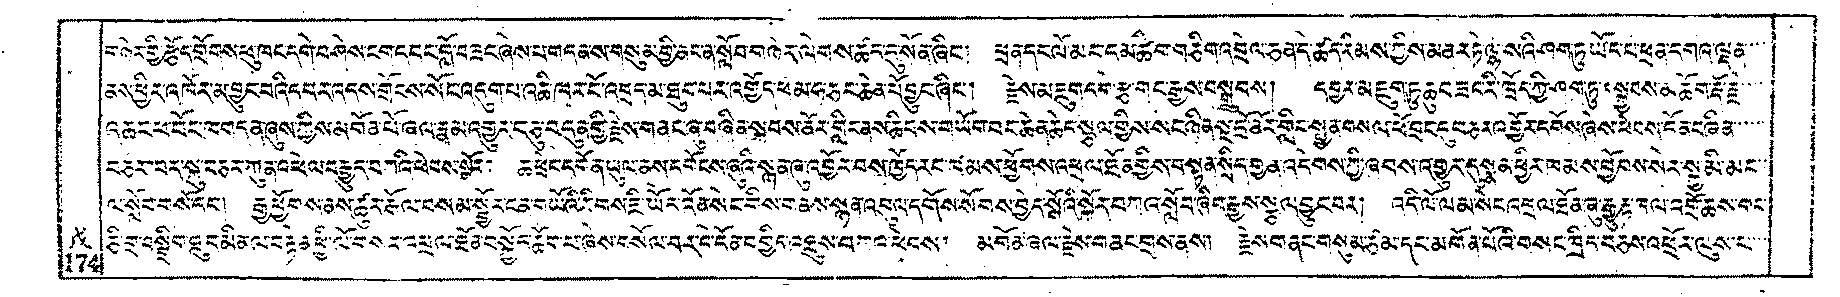གཉེར་གྱི་རྩོད་གྲོགས་ཕུ་ཁང་དགེ་བཤེས་ངག་དབང་བློ་བཟང་ཞེས་པ་གདན་ས་གསུམ་གྱི་ནང་ན་སློབ་གཉེར་ལེགས་ཚད་དུ་སོན་ཞིང་། ཕྲན་དང་ལོ་མང་དམ་ཚིག་གཅིག་འབྲེལ་ཅན་དེ་ཚད་རིམས་ཀྱིས་མནར་ཏེ་ལྷ་སའི་ཤག་ཏུ་ཡོད་པ་ཕྲན་དགའ་ལྡན་
ནས་ཕྱིར་འཁོར་མ་བྱུང་བའི་དབར་འདས་གྲོངས་སོང་འདུག་པ་འཆི་ཁར་ངོ་འཕྲད་མ་ཐུབ་པར་འགྱོད་ཕམ་ཧ་ཅང་ཆེན་པོ་བྱུང་ཞིང་། རྗེས་མཇུག་དགེ་རྩ་གང་རྒྱས་བསྒྲུབས། དབྱར་མཇུག་ཏུ་ཆུ་བཟང་རི་ཁྲོད་ཀྱི་ཤག་ཏུ་༧སྐྱབས་མཆོག་རྡོ་རྗེ་
འཆང་ཕ་བོང་ཁ་གདན་ཞུས་ཀྱིས་མགོན་པོ་ཞལ་རྣམ་འགྱུར་བཅུ་བདུན་གྱི་རྗེས་གནང་ཞུ་བཞིན་སྐབས་ནོར་གླིང་ནས་ཆིབས་གཡོག་བང་ཆེན་ཆེད་སྩལ་གྱིས་སང་ཉིན་སྔ་དྲོ་ནོར་གླིང་སྤྱན་གསལ་ཕོ་བྲང་དུ་བཅར་འབྱོར་དགོས་ཞེས་ཕེབས་དོན་བཞིན་
བཅར་བར་སྐུ་བཅར་ཀུན་འཕེལ་བརྒྱུད་བཀའི་ཕེབས་སྒོར། ཆ་ཕྲེང་དགོན་ཡུལ་ནས་དགོངས་ཞུའི་སྙན་ཞུ་འབྱོར་བས་ཁྱོད་རང་ཁམས་ཕྱོགས་འཕྲལ་ཐོན་གྱིས་བསྟན་སྲིད་གྱན་འདེགས་ཀྱི་ཞབས་འགྱུར་དུ་སྨན་ཕྱིར་ཁམས་ཕྱོགས་སེར་སྐྱ་མི་མང་
ལ་སློབ་གསོ་དང་། རྒྱ་ཕྱོགས་ནས་ཚུར་རྒོལ་བསམ་སྦྱོར་ངན་གཡོའི་རིགས་ཇི་ཡོད་འོན་སེང་གིས་གནས་སྙན་འབུལ་དགོས་སོགས་བྱེད་སྒོའི་སྐོར་བཀའ་སློབ་ཞིབ་རྒྱས་སྩལ་བྱུང་བར། འདི་ལོ་ལམ་སེང་འཕྲལ་ཐོན་ཞུ་རྒྱུ་རྟ་ཁལ་འགྲོ་ཆས་གང་
ཅི་གྲ་བསྒྲིག་ཐུབ་མིན་ལ་བརྟེན་ཕྱི་ལོ་གསར་འཕྲལ་ཐོན་བསྐྱོད་ཆོག་པ་ཞེས་གསོལ་བར་དེ་དོན་བགྱིད་འཐུས་བཀའ་ཕེབས། མགོན་ཞལ་རྗེས་གནང་གྲས་ནས། རྗེས་གནང་གསུམ་ཙམ་དང་མགོན་པོའི་གསང་ཁྲིད་བཅས་འཕྲོར་ལུས་པ་